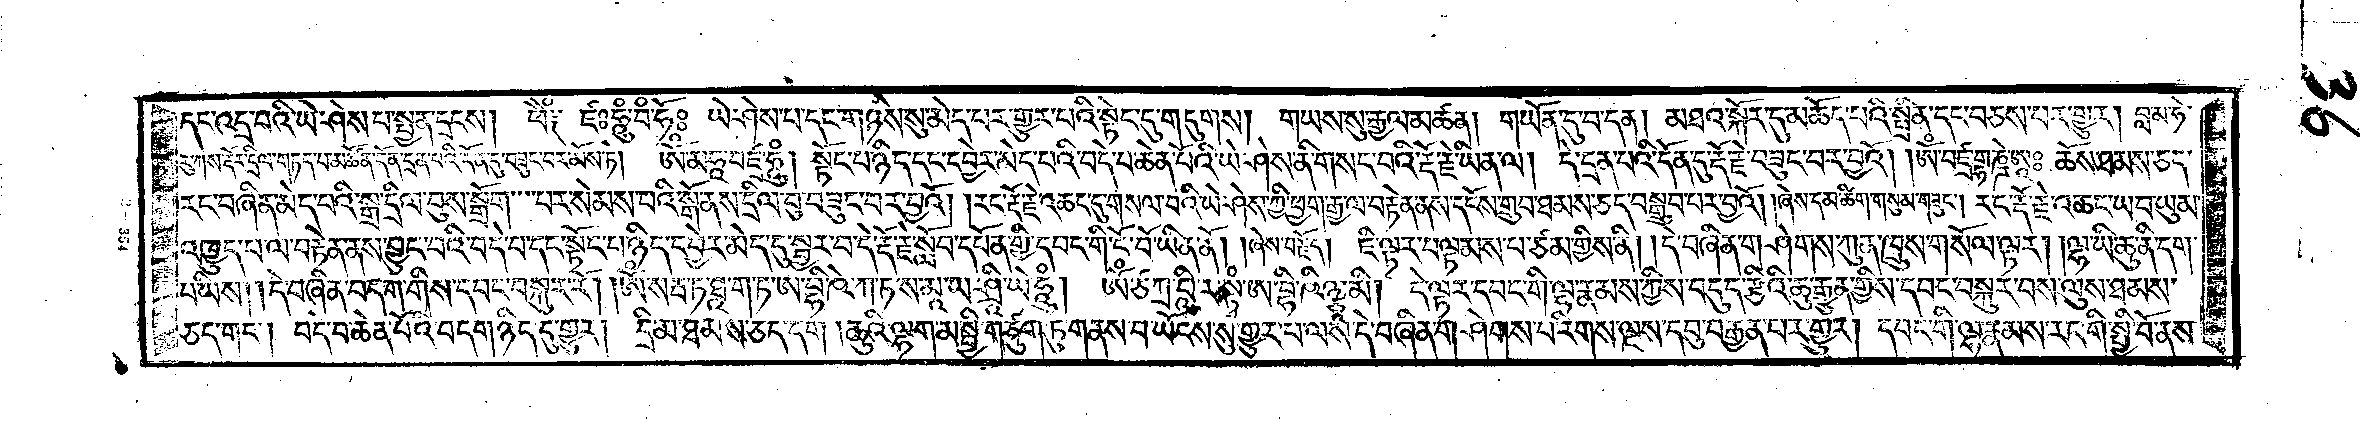དང་འདྲ་བའི་ཡེ་ཤེས་པ་སྤྱན་དྲངས། ཕཻཾ༑ ཛཿཧཱུཾ་བཾ་ཧོཿ ཡེ་ཤེས་པ་དང་གཉིས་སུ་མེད་པར་གྱུར་པའི་སྟེང་དུ་གདུགས། གཡས་སུ་རྒྱལ་མཚན། གཡོན་དུ་བ་དན། མཐའ་སྐོར་དུ་མཆོད་པའི་སྤྲིན་དང་བཅས་པར་གྱུར། བླ་མ་ཧེ་
དུ་ཀས་རྡོར་དྲིལ་གཏད་པ་མཚོན་དོན་དྲན་པའི་དོན་དུ་བཟུང་བར་མོས་ཏེ། ཨོཾ་མཧཱ་བཛྲ་ཧཱུཾ། སྟོང་པ་ཉིད་དང་དབྱེར་མེད་པའི་བདེ་པ་ཆེན་པོའི་ཡེ་ཤེས་ནི་གསང་བའི་རྡོ་རྗེ་ཡིན་ལ། དེ་དྲན་པའི་དོན་དུ་རྡོ་རྗེ་བཟུང་བར་བྱའོ། །ཨོཾ་བཛྲ་གྷཎྜེ་ཨཱཿ ཆོས་ཐམས་ཅད་
རང་བཞིན་མེད་པའི་སྒྲ་དྲིལ་བུས་སྒྲོག་པར་སེམས་པའི་སྒོ་ནས་དྲིལ་བུ་བཟུང་བར་བྱའོ། །རང་རྡོ་རྗེ་འཆང་དུ་གསལ་བའི་ཡེ་ཤེས་ཀྱི་ཕྱག་རྒྱ་ལ་བརྟེན་ནས་དངོས་གྲུབ་ཐམས་ཅད་བསྒྲུབ་པར་བྱའོ། །ཞེས་དམ་ཚིག་གསུམ་གཟུང་།  རང་རྡོ་རྗེ་འཆང་ཡབ་ཡུམ་
འཁྱུད་པ་ལ་བརྟེན་ནས་བྱུང་བའི་བདེ་བ་དང་སྟོང་པ་ཉིད་དབྱེར་མེད་དུ་སྦྱར་བ་དེ་རྡོ་རྗེ་སློབ་དཔོན་གྱི་དབང་གི་ངོ་བོ་ཡིན་ནོ། །ཞེས་བརྗོད།  ཇི་ལྟར་བལྟམས་པ་ཙམ་གྱིས་ནི། །དེ་བཞིན་གཤེགས་ཀུན་ཁྲུས་གསོལ་ལྟར། །ལྷ་ཡི་ཆུ་ནི་དག་
པ་ཡིས། །དེ་བཞིན་བདག་གིས་དབང་བསྐུར་རོ། །ཨོཾ་སརྦ་ཏ་ཐཱ་ག་ཏ་ཨ་བྷི་ཥེ་ཀ་ཏ་ས་མཱ་ཡ་ཤྲཱི་ཡེ་ཧཱུཾ། ཨོཾ་ཙ་ཀྲ་བཱི་ར་སྟྭཾ་ཨ་བྷི་ཥི་ཉྩཱ་མི། དེ་ལྟར་དབང་གི་ལྷ་རྣམས་ཀྱིས་བདུད་རྩིའི་ཆུ་རྒྱུན་གྱིས་དབང་བསྐུར་བས་ལུས་ཐམས་
ཅད་གང་། བདེ་བ་ཆེན་པོའི་བདག་ཉིད་དུ་གྱུར། དྲི་མ་ཐམས་ཅད་དག །ཆུའི་ལྷག་མ་སྦྱི་གཙུག་ཏུ་གནས་པ་ཡོངས་སུ་གྱུར་པ་ལས་དེ་བཞིན་གཤེགས་པ་རིགས་ལྔས་དབུ་བརྒྱན་པར་གྱུར། དབང་གི་ལྷ་རྣམས་རང་གི་སྤྱི་བོ་ནས་